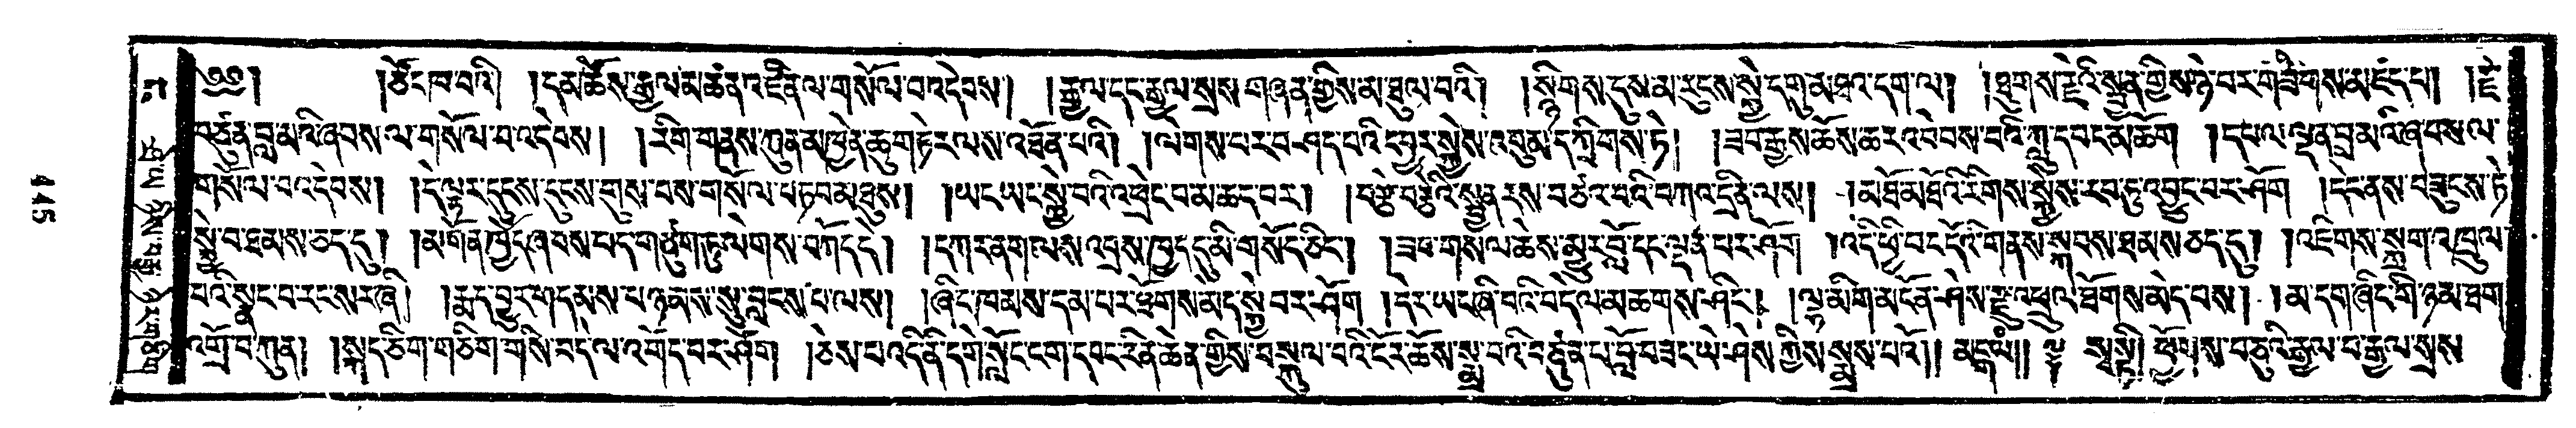༄༅། །ཙོང་ཁ་བའི། །དམ་ཆོས་རྒྱལ་མཚན་འཛིན་ལ་གསོལ་བ་འདེབས་།རྒྱལ་དང་རྒྱལ་སྲས་གཞན་གྱིས་མ་ཐུལ་བའི། །སྙིགས་དུས་མ་རུངས་སྐྱེ་དགུ་མཐའ་དག་ལ། །ཐུགས་རྗེའི་སྤྱན་གྱིས་ཉེ་བར་གཟིགས་མཛད་པ། །རྗེ་
བཙུན་བླ་མའི་ཞབས་ལ་གསོལ་བ་འདེབས། །རིག་གནས་ཀུན་མཁྱེན་ཆུ་གཏེར་ལས་འཐོན་པའི། །ལེགས་པར་བཤད་པའི་དབྱར་སྐྱེས་འབུམ་དཀྲིས་ཏེ། །ཟབ་རྒྱས་ཆར་འབེབས་བའི་ཀླུ་དབང་མཆོག །དཔལ་ལྡན་བླ་མའི་ཞབས་ལ་
གསོལ་བ་འདེབས། །དེ་ལྟར་དུངས་དུངས་གུས་བས་གསོལ་བཏབ་མཐུས། །ཡང་ཡང་སྐྱེ་བའི་འཕྲེང་བ་མ་ཆད་བར། །བརྩེ་བརྩེའི་སྤྱན་རས་བཙའ་བའི་བཀའ་དྲིན་ལས། །མཐོ་མཐོའི་རིག་སྐྱེས་རབ་ཏུ་འབྱུང་བར་ཤོག །དེང་ནས་བཟུངས་ཏེ་
སྐྱེ་བ་ཐམས་ཅད་དུ། །མགོན་ཁྱོད་ཞབས་བད་གཙུག་ཏུ་ལེགས་བཀོད་དེ། །དཀར་ནག་ལས་འབྲས་ཁྱད་དུ་མི་གསོད་ཅིང་། །ཟབ་གསལ་ཆེས་མྱུར་བློ་དང་ལྡན་པར་ཤོག །འདི་ཕྱི་བང་དོའི་གནས་སྐབས་ཐམས་ཅད་དུ། །འཇིགས་སྐྲག་འཁྲུལ་
པའི་སྣང་བ་རང་སར་ཞི། །རྨད་བྱུང་གདམས་པ་ཉམས་སུ་བླངས་པ་ལས།། ཞིང་ཁམས་དམ་པར་ཐོགས་མེད་སྐྱེ་བར་ཤོག །དེར་ཡང་ཞི་བའི་བདེ་ལ་མ་ཆགས་ཤིང་། །ལྷ་མིག་མངོན་ཤེས་རྫུ་འཕྲུལ་ཐོགས་མེད་བས། །མ་དག་ཞིང་གི་ཉམ་ཐག་
འགྲོ་བ་ཀུན། །སྐད་ཅིག་གཅིག་གིས་བདེ་བ་ལ་འགོད་བར་ཤོག །ཅེས་པ་འདི་ནི་དགེ་སློང་ངག་དབང་རིན་ཆེན་གྱིས་བསྐུལ་བའི་ངོར་ཆོས་སྨྲ་བའི་བཙུན་པ་བློ་བཟང་ཡེ་ཤེས་ཀྱིས་སྨྲས་བའོ།། མངྒལཾ།། ༈ སྭྶྟི། ཕྱོགས་བཅུའི་རྒྱལ་བ་རྒྱལ་སྲས་